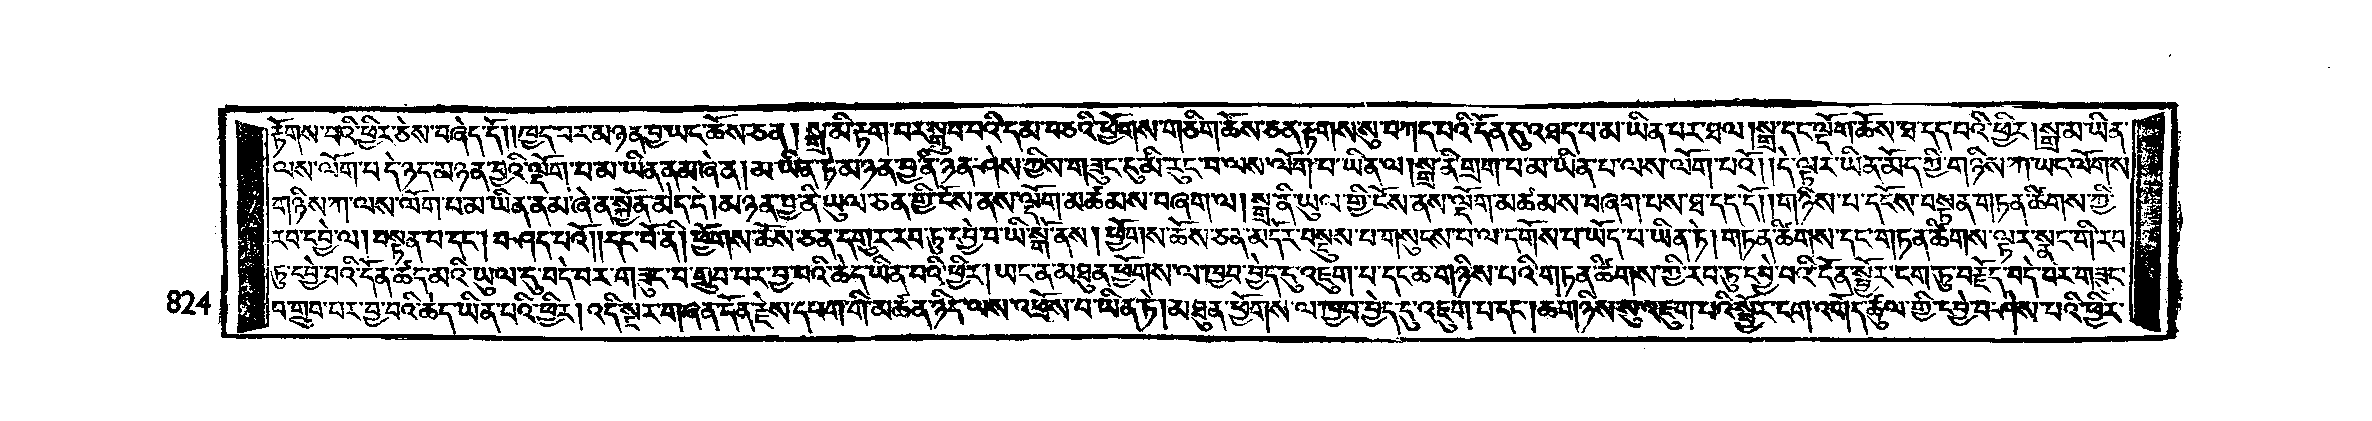རྟོགས་པའི་ཕྱིར་ཅེས་བཞེད་དོ། །ཁྱད་པར་མཉན་བྱ་ཡང་ཆོས་ཅན། སྒྲ་མི་རྟག་པར་སྒྲུབ་པའི་དམ་བཅའི་ཕྱོགས་གཅིག་ཆོས་ཅན་རྟགས་སུ་བཀོད་པའི་དོན་དུ་འཐད་པ་མ་ཡིན་པར་ཐལ། སྒྲ་དང་ལྡོག་ཆོས་ཐ་དད་པའི་ཕྱིར། སྒྲ་མ་ཡིན་
ལས་ལོག་པ་དེ་ཉིད་མཉན་བྱའི་ལྡོག་པ་མ་ཡིན་ནམ་ཞེ་ན། མ་ཡིན་ཏེ་མཉན་བྱ་ནི་ཉན་ཤེས་ཀྱིས་གཟུང་དུ་མི་རུང་བ་ལས་ལོག་པ་ཡིན་ལ། སྒྲ་ནི་གྲག་པ་མ་ཡིན་པ་ལས་ལོག་པའོ། །དེ་ལྟར་ཡིན་མོད་ཀྱི་གཉིས་ཀ་ཡང་ལོགས་
གཉིས་ཀ་ལས་ལོག་པ་མ་ཡིན་ནམ་ཞེ་ན་སྐྱོན་མེད་དེ། མཉན་བྱ་ནི་ཡུལ་ཅན་གྱི་ངོས་ནས་ལྡོག་མཚམས་བཞག་ལ། སྒྲ་ནི་ཡུལ་གྱི་ངོས་ནས་ལྡོག་མཚམས་བཞག་པས་ཐ་དད་དོ། །གཉིས་པ་དངོས་བསྟན་གཏན་ཚིགས་ཀྱི་
རབ་དབྱེ་ལ། བསྟན་པ་དང་། བཤད་པའོ། །དང་པོ་ནི། ཕྱོགས་ཆོས་ཅན་དགུར་རབ་ཏུ་དབྱེ་བ་ཡི་སྒོ་ནས། ཕྱོགས་ཆོས་ཅན་མདོར་བསྡུས་པ་གསུངས་པ་ལ་དགོས་པ་ཡོད་པ་ཡིན་ཏེ། གཏན་ཚིགས་དང་གཏན་ཚིགས་ལྟར་སྣང་གི་རབ་
ཏུ་དབྱེ་བའི་དོན་ཚད་མའི་ཡུལ་དུ་བདེ་བར་གཟུང་བ་གྲུབ་པར་བྱ་བའི་ཆེད་ཡིན་པའི་ཕྱིར། ཡང་ན་མཐུན་ཕྱོགས་ལ་ཁྱབ་བྱེད་དུ་འཇུག་པ་དང་ཆ་གཉིས་པའི་གཏན་ཚིགས་ཀྱི་རབ་ཏུ་དབྱེ་བའི་དོན་སྦྱོར་ངག་ཏུ་བརྗོད་བདེ་བར་གཟུང་
བ་གྲུབ་པར་བྱ་བའི་ཆེད་ཡིན་པའི་ཕྱིར། འདི་སྔར་གཞན་དོན་རྗེས་དཔག་གི་མཚན་ཉིད་ལས་འཕྲོས་པ་ཡིན་ཏེ། མཐུན་ཕྱོགས་ལ་ཁྱབ་བྱེད་དུ་འཇུག་པ་དང་། ཆ་གཉིས་སུ་འཇུག་པའི་སྦྱོར་ངག་འགོད་ཚུལ་གྱི་དབྱེ་བ་ཤེས་པའི་ཕྱིར་